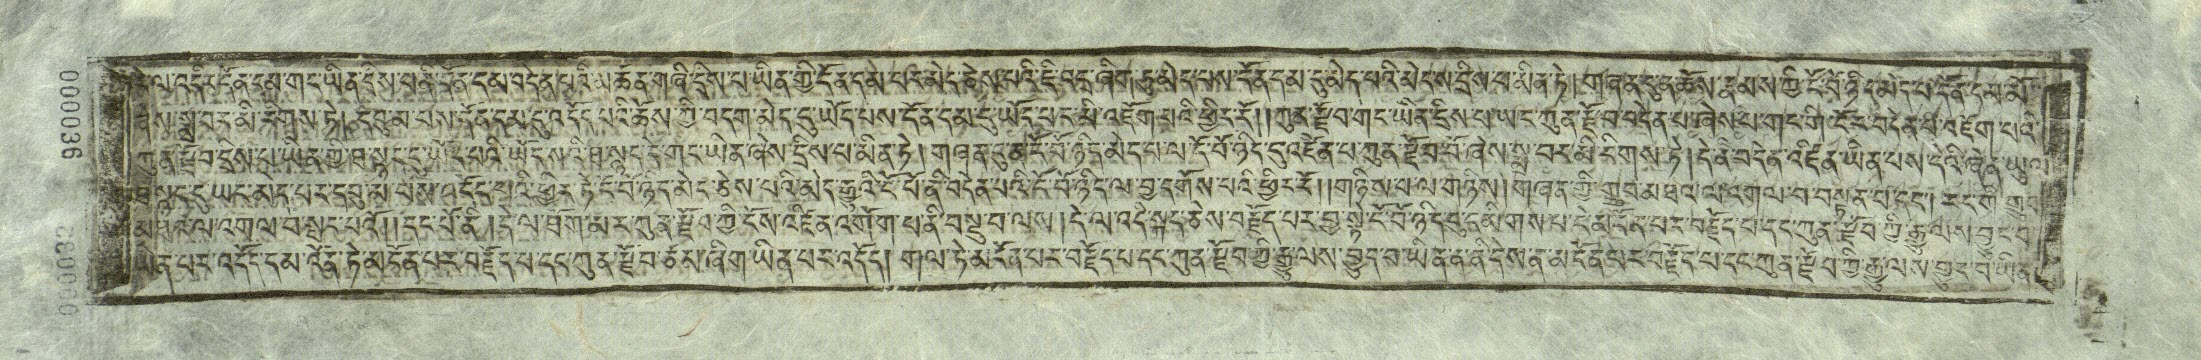དེ་ལ་འདིར་དོན་དམ་གང་ཡིན་དྲིས་པ་ནི་དོན་དམ་བདེན་པའི་མཚན་གཞི་དྲིས་པ་ཡིན་གྱི་དོན་དམ་པར་མེད་ཅེས་པའི་ཇི་འདྲ་ཞིག་ཏུ་མེད་པས་དོན་དམ་དུ་མེད་པའི་མེད་ས་དྲིས་པ་མིན་ཏེ། གཞན་དུ་ན་ཆོས་རྣམས་ཀྱི་ངོ་བོ་ཉིད་མེད་པ་དོན་དམ་མོ་
ཞེས་སྨྲ་བར་མི་རིགས་ཏེ། དབུ་མ་པས་དོན་དམ་དུ་འདོད་པའི་ཆོས་ཀྱི་བདག་མེད་དུ་ཡོད་པས་དོན་དམ་དུ་ཡོད་པར་མི་འཇོག་པའི་ཕྱིར་རོ། །ཀུན་རྫོབ་གང་ཡིན་དྲིས་པ་ཡང་ཀུན་རྫོབ་བདེན་པ་ཞེས་པ་གང་གི་ངོར་བདེན་པ་འཇོག་པའི་
ཀུན་རྫོབ་དྲིས་པ་ཡིན་གྱི་ཐ་སྙད་དུ་ཡོད་པའི་ཡོད་སའི་ཐ་སྙད་དེ་གང་ཡིན་ཞེས་དྲིས་པ་མིན་ཏེ། གཞན་དུ་ན་ངོ་བོ་ཉིད་མེད་པ་ལ་ངོ་བོ་ཉིད་དུ་འཛིན་པ་ཀུན་རྫོབ་བོ་ཞེས་སྨྲ་བར་མི་རིགས་ཏེ། དེ་ནི་བདེན་འཛིན་ཡིན་པས་དེའི་ཞེན་ཡུལ་
ཐ་སྙད་དུ་ཡང་མེད་པར་དབུ་མ་པས་འདོད་པའི་ཕྱིར་ཏེ་ངོ་བོ་ཉིད་མེད་ཅེས་པའི་མེད་རྒྱུའི་ངོ་བོ་ནི་བདེན་པའི་ངོ་བོ་ཉིད་ལ་བྱ་དགོས་པའི་ཕྱིར་རོ། །གཉིས་པ་ལ་གཉིས། གཞན་གྱི་གྲུབ་མཐའ་ལ་འགལ་བ་བསྟན་པ་དང་། རང་གི་གྲུབ་
མཐའ་ལ་འགལ་བ་སྤང་བའོ། །དང་པོ་ནི། དེ་ལ་ཐོག་མར་ཀུན་རྫོབ་ཀྱི་ངོས་འཛིན་འགོག་པ་ནི་བསྡུ་བ་ལས། དེ་ལ་འདི་སྐད་ཅེས་བརྗོད་པར་བྱ་སྟེ་ངོ་བོ་ཉིད་དུ་དམིགས་པ་དེ་མངོན་པར་བརྗོད་པ་དང་ཀུན་རྫོབ་ཀྱི་རྒྱུ་ལས་བྱུང་བ་
ཡིན་པར་འདོད་དམ་འོན་ཏེ་མངོན་པར་བརྗོད་པ་དང་ཀུན་རྫོབ་ཙམ་ཞིག་ཡིན་པར་འདོད། གལ་ཏེ་མངོན་པར་བརྗོད་པ་དང་ཀུན་རྫོབ་ཀྱི་རྒྱུ་ལས་བྱུང་བ་ཡིན་ན་ནི་དེས་ན་མངོན་པར་བརྗོད་པ་དང་ཀུན་རྫོབ་ཀྱི་རྒྱུ་ལས་བྱུང་བ་ཡིན་